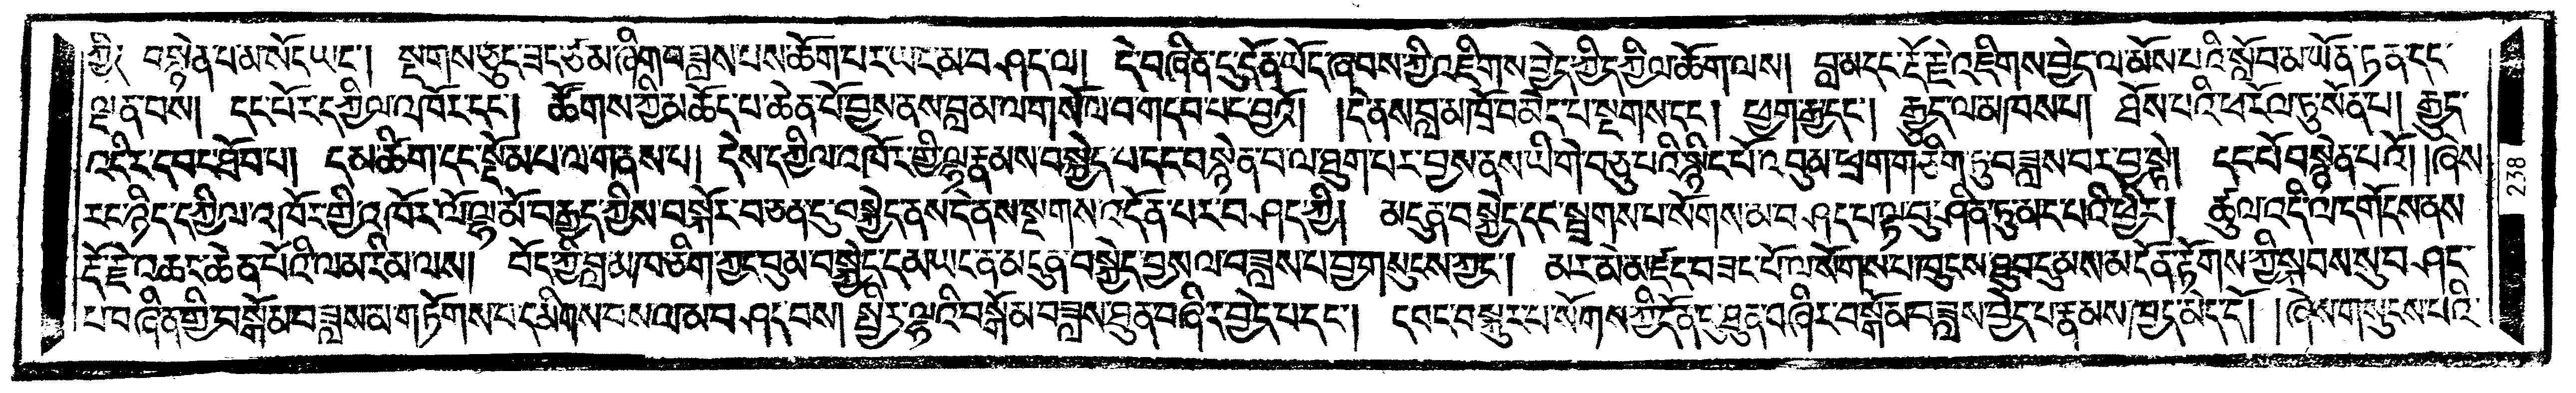ཀྱི༑ བསྙེན་པ་མ་སོང་ཡང་། སྔགས་ཅུང་ཟད་ཙམ་ཞིག་བཟླས་པས་ཆོག་པར་ཡང་མ་བཤད་ལ། དེ་བཞིན་དུ་དོན་ཡོད་ཞབས་ཀྱི་འཇིགས་བྱེད་ཀྱི་དཀྱིལ་ཆོག་ལས། བླ་མ་དང་རྡོ་རྗེ་འཇིགས་བྱེད་ལ་མོས་པའི་སློབ་མ་ཡོན་ཏན་དང་
ལྡན་པས། དང་པོར་དཀྱིལ་འཁོར་དང་། ཚོགས་ཀྱི་མཆོད་པ་ཆེན་པོ་བྱས་ནས་བླ་མ་ལ་གསོལ་བ་གདབ་པར་བྱའོ། །དེ་ནས་བླ་མ་ཁྲོ་བ་མེད་པ་སྔགས་དང་། ཕྱག་རྒྱ་དང་། རྒྱུད་ལ་མཁས་པ། ཐོས་པའི་ཕ་རོལ་ཏུ་སོན་པ། རྒྱུད་
འདིར་དབང་ཐོབ་པ། དམ་ཚིག་དང་སྡོམ་པ་ལ་གནས་པ། དེས་དཀྱིལ་འཁོར་གྱི་ལྷ་རྣམས་བསྐྱེད་པ་དང་བསྙེན་པ་ལ་ཐུག་པར་བྱས་ནས་ཡི་གེ་བཅུ་པའི་སྙིང་པོ་འབུམ་ཕྲག་གཅིག་ཏུ་བཟླས་པར་བྱ་སྟེ། དང་པོ་བསྙེན་པའོ། །ཞེས་
རང་ཉིད་དཀྱིལ་འཁོར་གྱི་འཁོར་ལོ་ལྷ་མོ་བརྒྱད་ཀྱིས་བསྐོར་བ་ཅན་དུ་བསྐྱེད་ནས་དེ་ནས་སྔགས་འདོན་པར་བཤད་ཀྱི། མདུན་བསྐྱེད་དང་སྦྲགས་པ་སོགས་མ་བཤད་པ་ལྟ་བུ་ཤིན་ཏུ་མང་པའི་ཕྱིར། ཚུལ་འདི་ལ་དགོངས་ནས་
རྡོ་རྗེ་འཆང་ཆེན་པོའི་ལམ་རིམ་ལས། བོད་ཀྱི་བླ་མ་ཁ་ཅིག་ཀྱང་བུམ་བསྐྱེད་དམ་ཡང་ན་མདུན་བསྐྱེད་བྱས་ལ་བཟླས་པ་བྱ་གསུངས་ཀྱང་། མར་མེ་མཛད་བཟང་པོ་ལ་སོགས་པ་ཁུངས་ཐུབ་དུ་མས་མངོན་རྟོགས་ཀྱི་སྐབས་སུ་བཤད་
པ་བཞིན་གྱི་བསྒོམ་བཟླས་མ་གཏོགས་པ་དམིགས་བསལ་མ་བཤད་པས། སྤྱིར་ལྷའི་བསྒོམ་བཟླས་ཐུན་བཞིར་བྱེད་པ་དང་། དབང་བསྐུར་པ་སོགས་ཀྱི་དོན་དུ་ཐུན་བཞིར་བསྒོམ་བཟླས་བྱེད་པ་རྣམས་ཁྱད་མེད་དོ། །ཞེས་གསུངས་པའི་